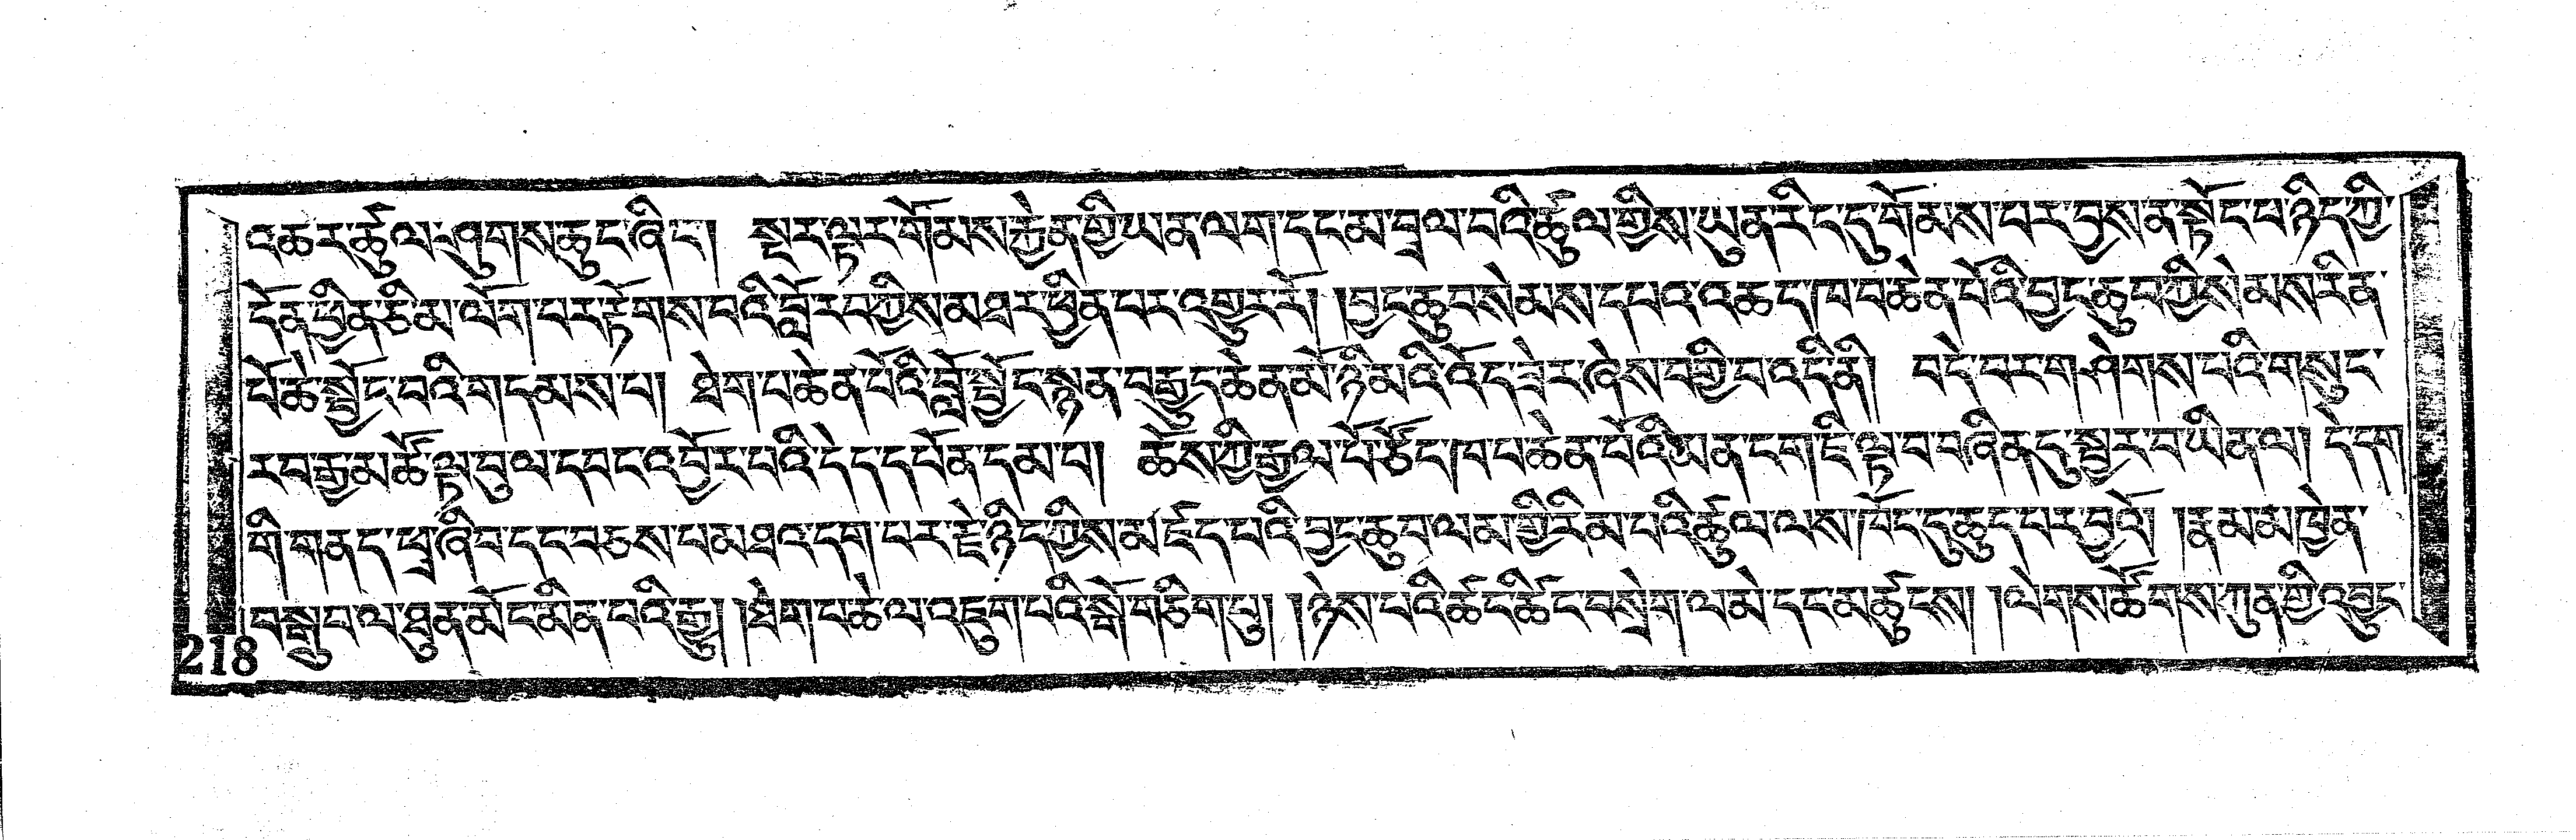འཚར་ཚུལ་ཤུགས་ཆུང་ཞིང་། སྔར་ལྟར་གོམས་རྐྱེན་གྱི་ཡན་ལག་དང་མ་བྲལ་བའི་ཚུལ་གྱིས་ཡུན་རིང་དུ་གོམས་པར་བྱས་ན་སྟོང་པ་ཉིད་ཀྱི་
དོན་ཕྱིན་ཅི་མ་ལོག་པར་རྟོགས་པའི་བློ་རབ་ཀྱིས་མཐར་ཕྱིན་པར་འགྱུར་རོ། །བྱང་ཆུབ་སེམས་དཔའ་འཆད་ཁ་བ་ཆེན་པོའི་བྱང་ཆུབ་ཀྱི་སེམས་རིན་
པོ་ཆེ་སྦྱོང་བའི་གདམས་པ། ཐེག་པ་ཆེན་པོའི་བློ་སྦྱོང་སྙན་བརྒྱུད་ཆེན་མོ་ཉི་མའི་འོད་ཟེར་ཞེས་བགྱི་བ་འདི་ནི། བདེ་བར་གཤེགས་པའི་གསུང་
རབ་རྒྱ་མཚོ་ལྟ་བུ་ལ་དབང་འབྱོར་བའི་དེད་དཔོན་དམ་པ། ཆོས་ཀྱི་རྒྱལ་པོ་ཙོང་ཁ་པ་ཆེན་པོའི་མན་ངག་ཇི་ལྟ་བ་བཞིན་དུ་སྦྱར་བ་ཡིན་ལ། དེ་དག་
གི་གནད་ཕྲ་ཞིབ་དང་བཅས་པ་མཐའ་དག་པར་རྗེ་ཉིད་ཀྱིས་མཛད་པའི་བྱང་ཆུབ་ལམ་གྱི་རིམ་པའི་ཚུལ་ལས་ཁོང་དུ་ཆུད་པར་བྱའོ། །རྣམ་མཁྱེན་
བསྒྲུབ་ལ་ཐུན་མོང་མིན་པའི་རྒྱུ། །ཐེག་པ་ཆེ་ལ་འཇུག་པའི་སྒོ་གཅིག་པུ། །ཉེས་པའི་ཚང་ཚིང་བསྲེག་ལ་མེ་དང་མཚུངས། །ལེགས་ཚོགས་ཀུན་གྱི་འབྱུང་